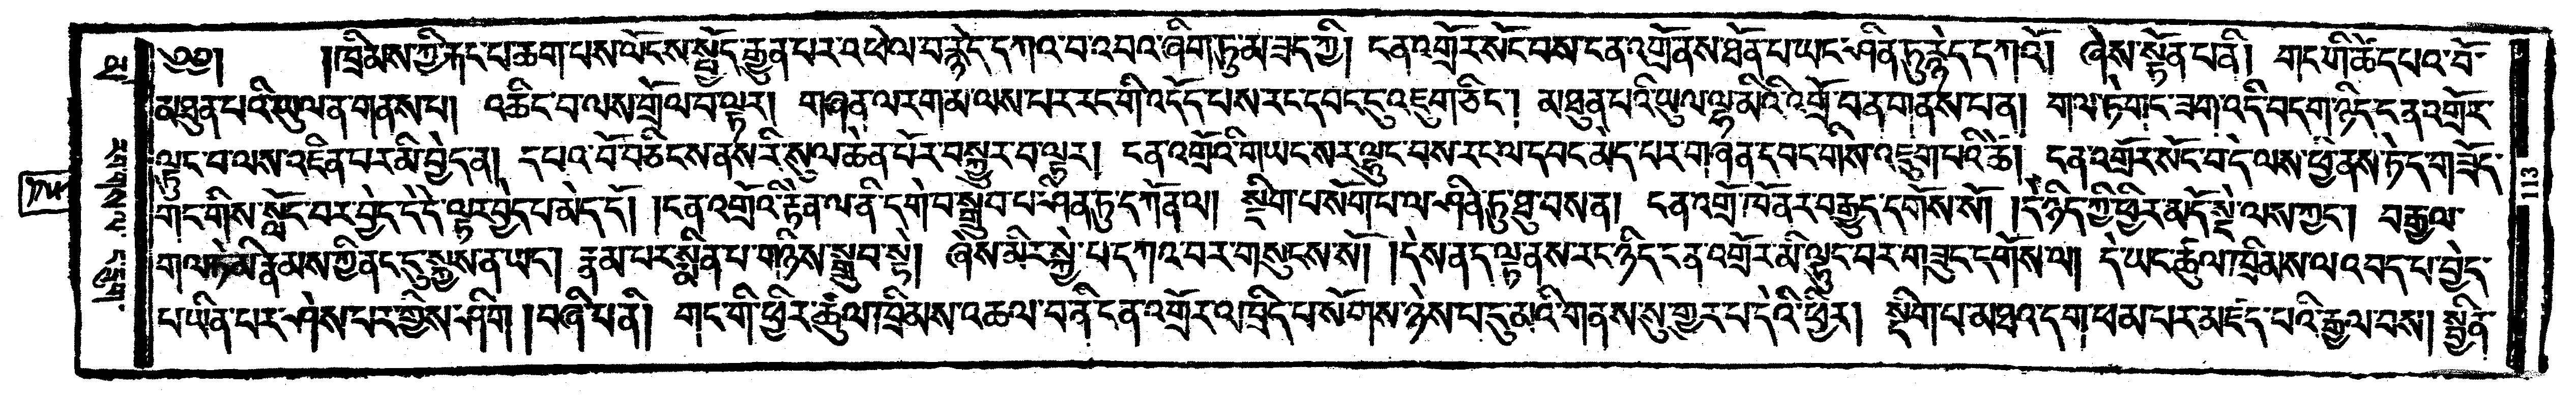༄༅། །ཁྲིམས་ཀྱི་རྐང་པ་ཆག་པས་ལོངས་སྤྱོད་རྒྱུན་པར་འཕེལ་བ་རྙེད་དཀའ་བ་འབའ་ཞིག་ཏུ་མ་ཟད་ཀྱི། ངན་འགྲོར་སོང་བས་ངན་འགྲོ་ནས་ཐོན་པ་ཡང་ཤིན་ཏུ་རྙེད་དཀའོ། ཞེས་སྟོན་པ་ནི། གང་གི་ཚེ་དཔའ་བོ་
མཐུན་པའི་ཡུལ་ན་གནས་པ། འཆིང་བ་ལས་གྲོལ་བ་ལྟར། གཞན་ལ་རག་མ་ལུས་པར་རང་གི་འདོད་པས་རང་དབང་དུ་འཇུག་ཅིང་། མཐུན་པའི་ཡུལ་ལྷ་མིའི་འགྲོ་བ་ན་གནས་པ་ན། གལ་ཏེ་གང་ཟག་འདི་བདག་ཉིད་ངན་འགྲོར་
ལྟུང་བ་ལས་འཛིན་པར་མི་བྱེད་ན། དཔའ་བོ་བཅིངས་ནས་རི་སུལ་ཆེན་པོར་བསྐྱུར་བ་ལྟར། ངན་འགྲོའི་གཡང་སར་ལྷུང་བས་རང་ལ་དབང་མེད་པར་གཞན་དབང་གིས་འཇུག་པའི་ཚེ། ངན་འགྲོར་སོང་བ་དེ་ལས་ཕྱི་ནས་ཏེ་ད་གཟོད་
གང་གིས་སློང་བར་བྱེད་དེ་དེ་ལྟར་བྱེད་པ་མེད་དོ། །ངན་འགྲོའི་རྟེན་ལ་ནི་དགེ་བ་སྒྲུབ་པ་ཤིན་ཏུ་དཀོན་ལ། སྡིག་པ་སོག་པ་ལ་ཤིན་ཏུ་ཐུ་བས་ན། ངན་འགྲོ་ཁོ་ནར་བརྒྱུད་དགོས་སོ། །དེ་ཉིད་ཀྱི་ཕྱིར་མདོ་སྡེ་ལས་ཀྱང་། བརྒྱ་ལ་
གལ་ཏེ་མི་རྣམས་ཀྱི་ནང་དུ་སྐྱེས་ན་ཡང་། རྣམ་པར་སྨིན་པ་གཉིས་སྒྲུབ་སྟེ། ཞེས་མིར་སྐྱེ་བ་དཀའ་བར་གསུངས་སོ། །དེས་ན་ད་ལྟ་ནས་རང་ཉིད་ངན་འགྲོར་མི་ལྟུང་བར་གཟུང་དགོས་ལ། དེ་ཡང་ཚུལ་ཁྲིམས་ལ་འབད་པ་བྱེད་
པ་ཡིན་པར་ཤེས་པར་གྱིས་ཤིག །བཞི་པ་ནི། གང་གི་ཕྱིར་ཚུལ་ཁྲིམས་འཆལ་བ་ནི་ངན་འགྲོར་འཁྲིད་པ་སོགས་ཉེས་པ་དུ་མའི་གནས་སུ་གྱུར་པ་དེའི་ཕྱིར། སྡིག་པ་མཐའ་དག་ཕམ་པར་མཛད་པའི་རྒྱལ་བས། སྦྱིན་